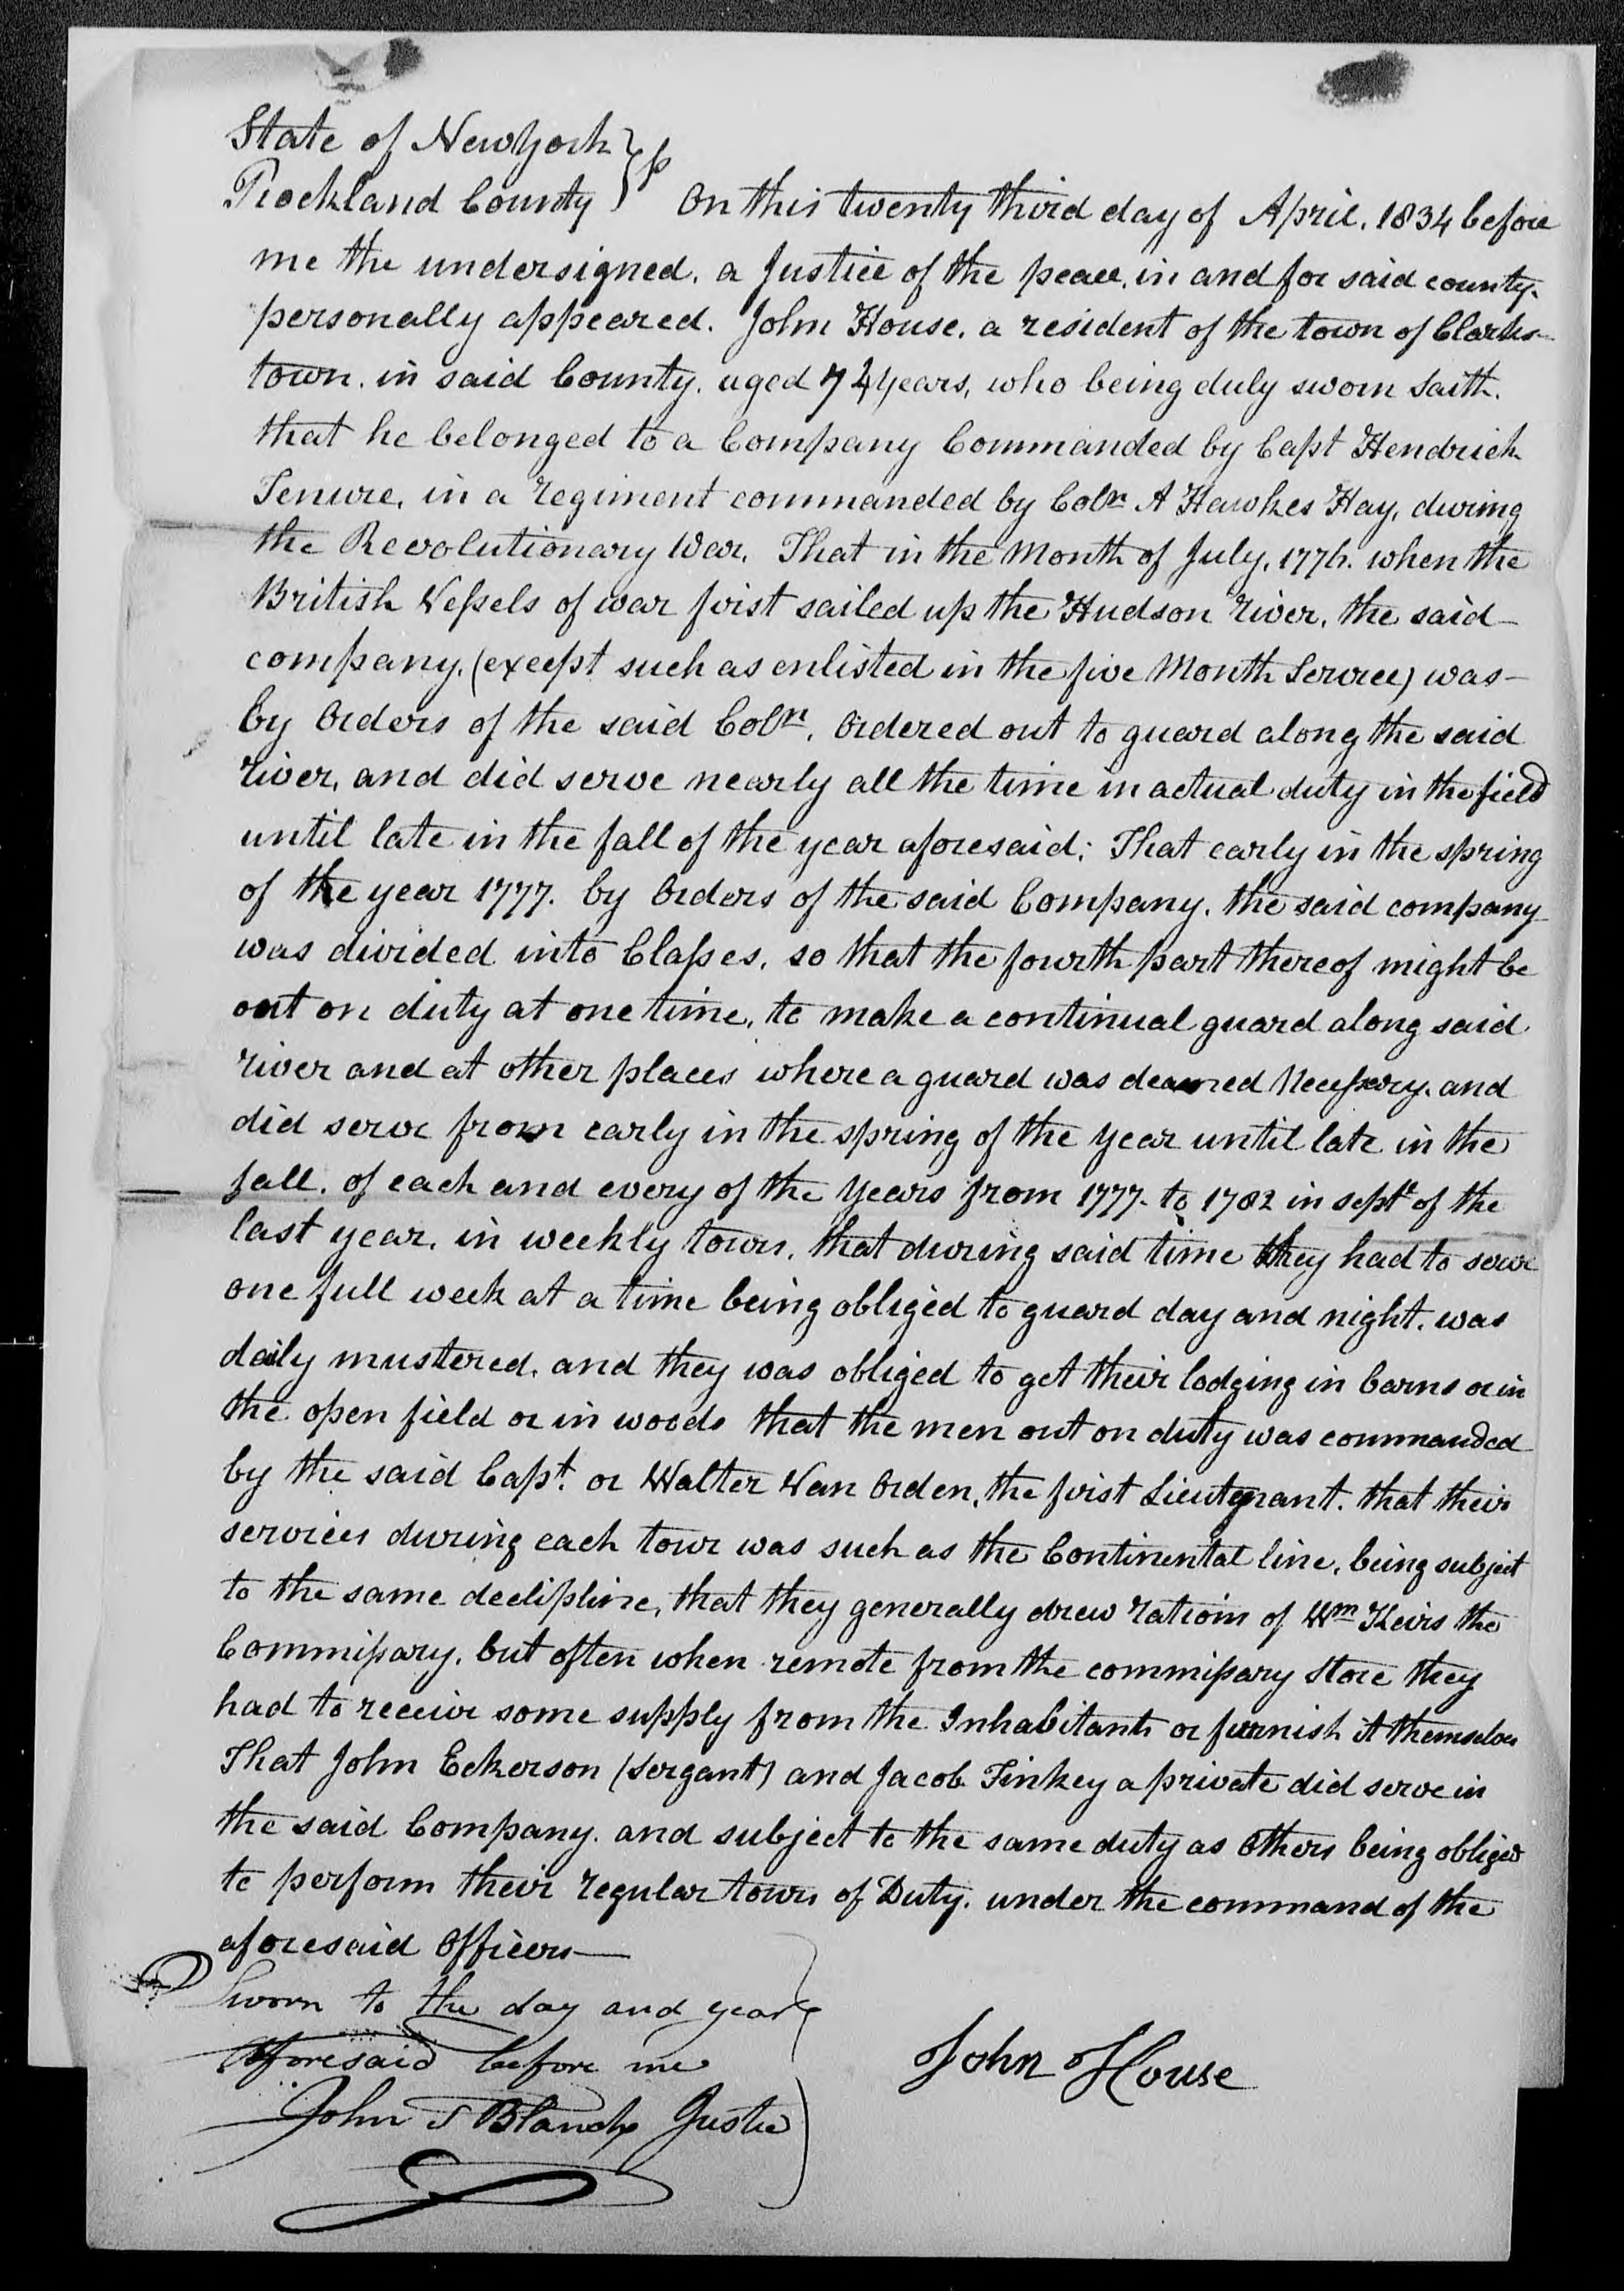State of New York Rockland County Ss On this twenty third day of April, 1834 before me the undersigned, a Justice of the peace, in and for said county personally appeared John House, a resident of the town of Clarkstown, in said County, aged 74 years, who being duly sworn saith that he belonged to a Company Commanded by Capt Hendrick Tenure, in a regiment commanded by Coln. A Hawkes Hay, during the Revolutionary War. That in the month of July 1776 when the British vessels of war first sailed up the Hudson river, the said company (except such as enlisted in the five month service) was by orders of the said Coln. ordered out to guard along the said river, and did serve nearly all the time in actual duty in the field until late in the fall of the year aforesaid. That early in the spring of the year 1777 by order of the said Company, the said company was divided into classes, so that the one fourth part thereof might be out on duty at one time to make a continual guard along said river and at other places where a guard was deemed necessary, and did serve from early in the spring of the year until late in the fall of each and every year until the fall, of each and every of the years from 1777 to 1782 in sept of the last year, in weekly tours. That during said time they had to serve one full week at a time being obliged to guard day and night. was daily mustered, and they was obliged to get their lodging in barns or in the open field or in woods that the men out on duty was commanded by the said Capt. or Walter Van Orden, the first Lieutenant, that their services during each tour was such as the Continental line, being subject to the same [illegible, poss. discipline], that they generally drew ration of Wm Theirs the Commissary. but often when remote from the commissary store they had to receive some supply from the inhabitants or furnish it themselves That John Eckerson (sergeant) and Jacob Tinkey a private did serve in the said Company, and subject to the same duty as the others being obliged to perform their regular tours of duty under command of the aforesaid officers. [signed] John House
Sworn to the day and year aforesaid before one John T. Blanch Justice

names: John T Blanch, Wm Kevis, John Eckerson, Hendrick Tenure, John House, John House, Jacob Tinkey, Walter Van Orden, A Hawkes Hay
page: 19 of 33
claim: survivor's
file: S. 22,653, Harmanus Blauvelt, New York